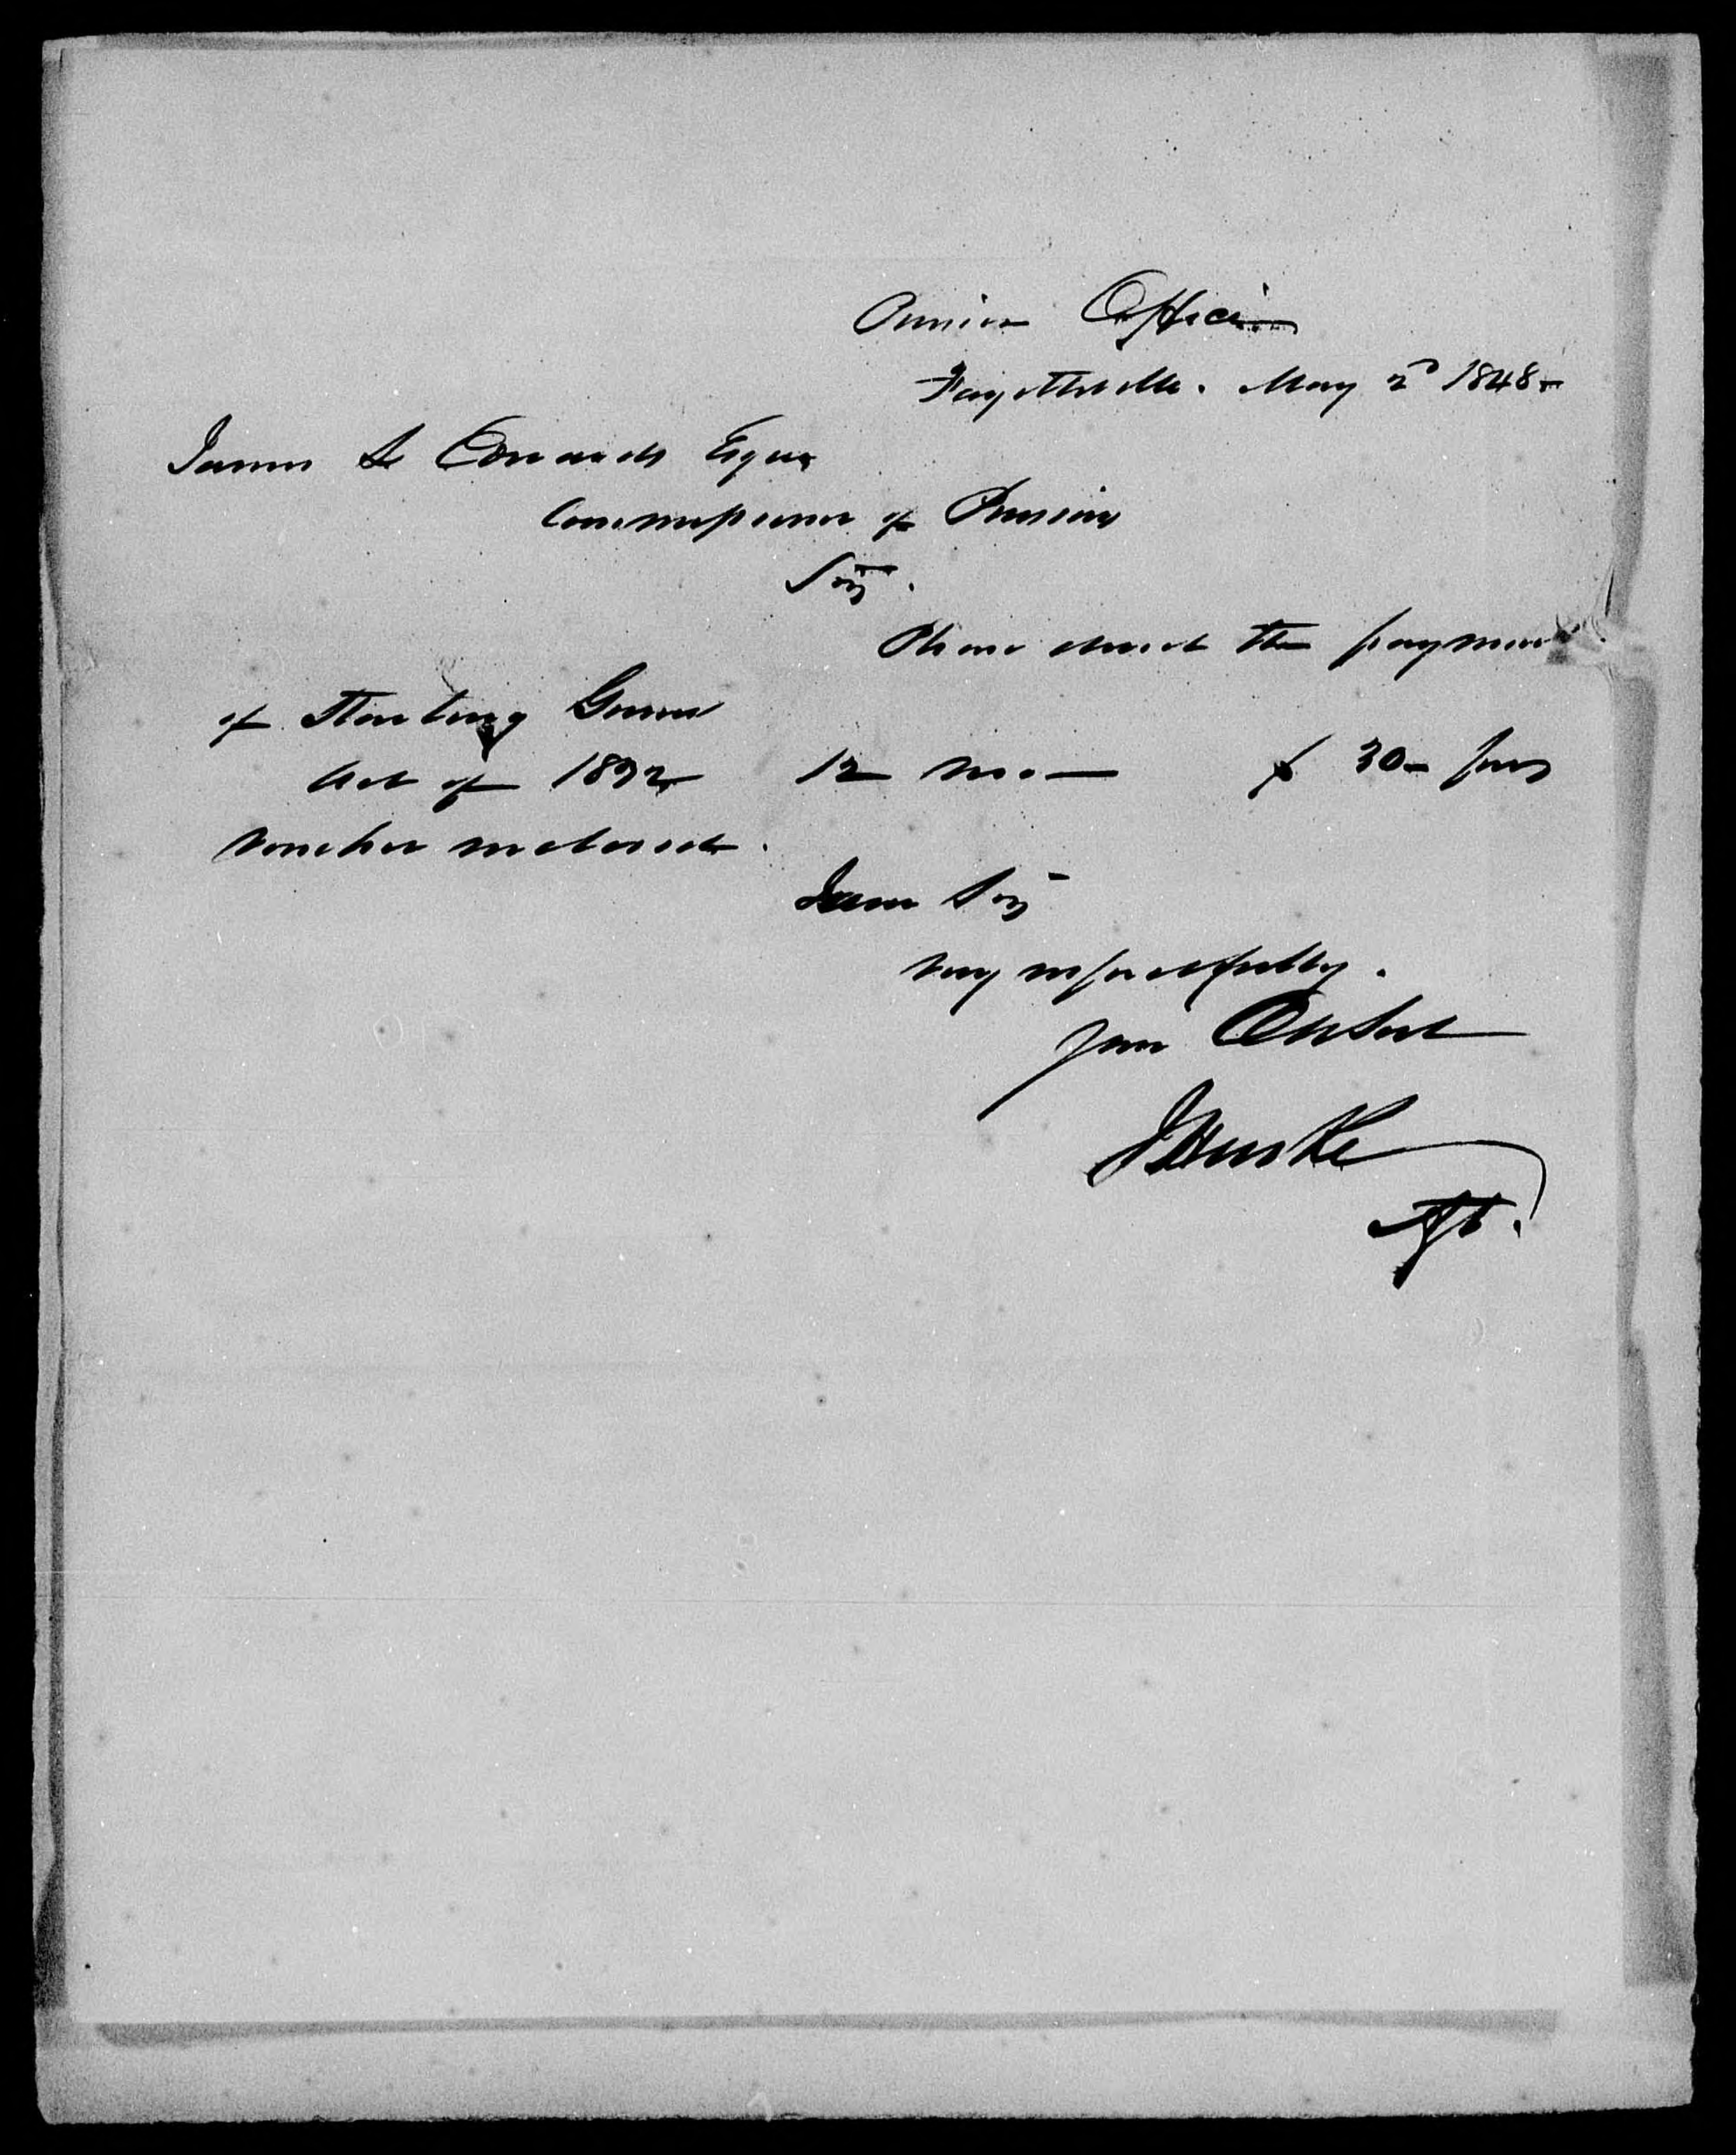Pension Office
Fayetteville, May 2d 1848
James L Edwards Esquire
Commissioner of Pensions
Sir: Please send me the payment of Starling Gunn Act of 1892 12 mo- $30. per.
Send his material.
I am Sir
Very respectfully
Your Ob Svt
J Huske Agt.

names: James L Edwards, Starling Gunn, J Huske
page: 55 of 58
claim: survivor's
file: S. 6,941, Starling Gunn, Continental Va.